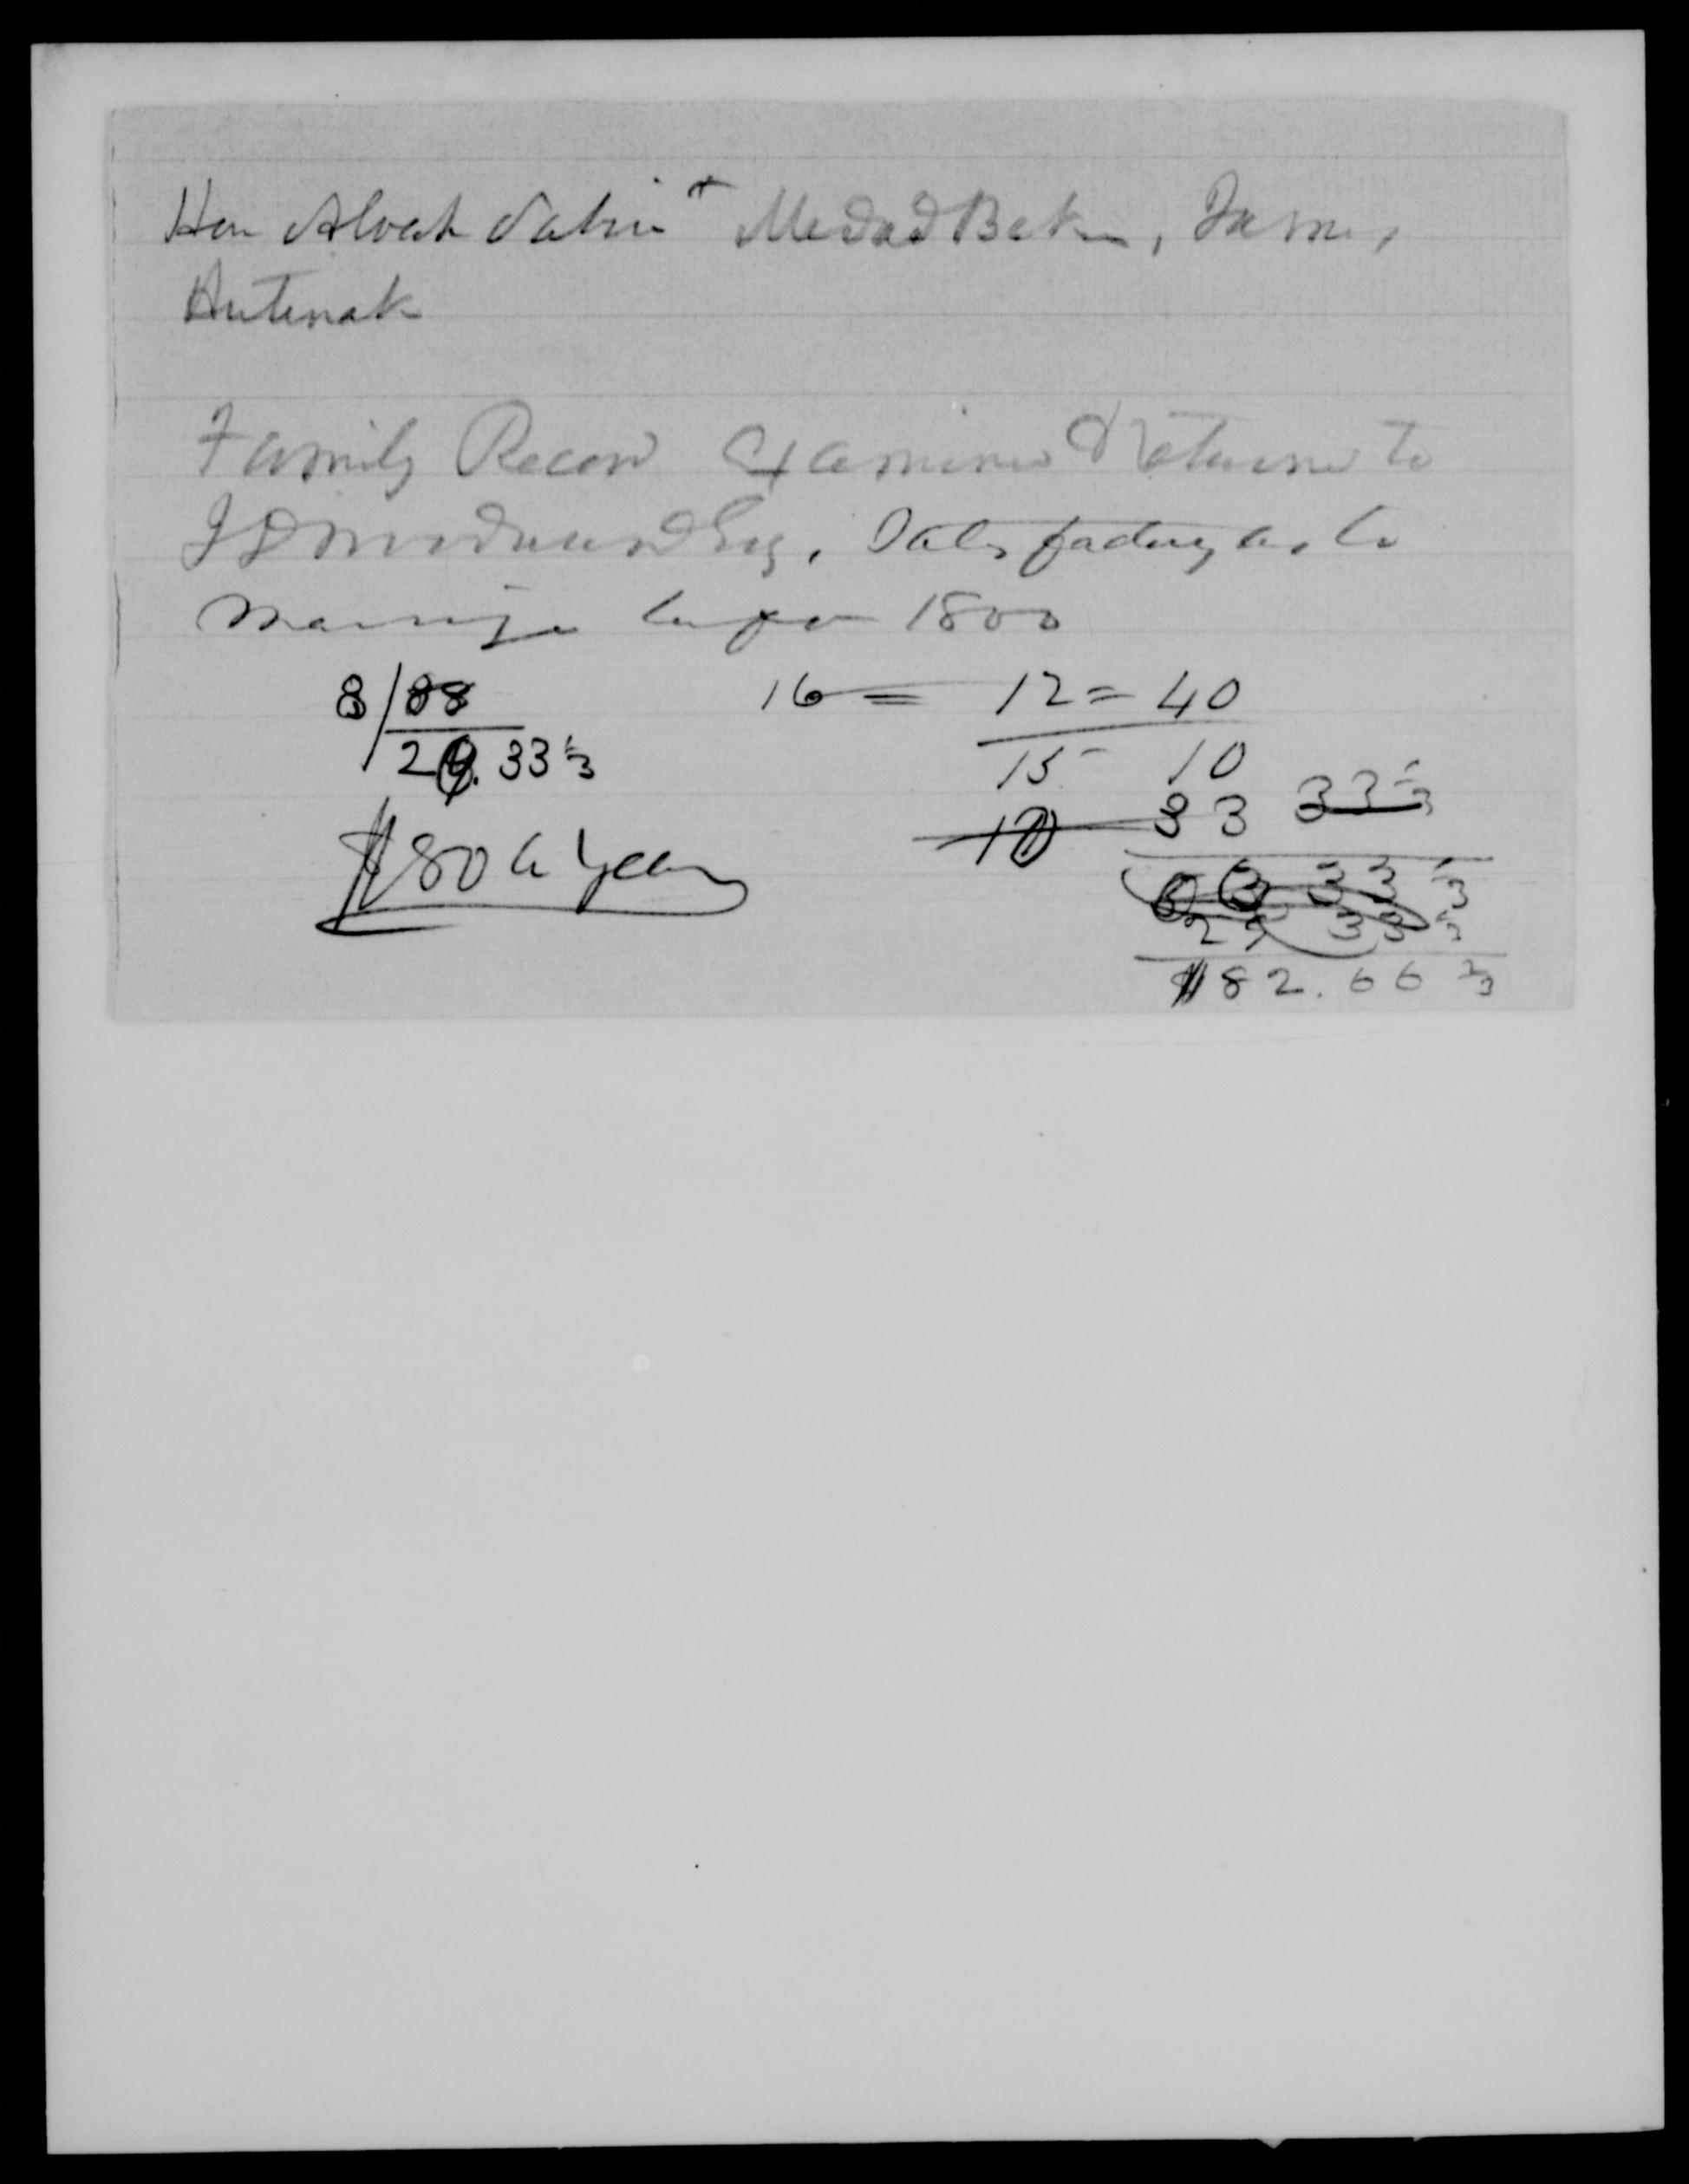Hon. Alvah Sabin  (illegible) Fam, Hutinak

Family Record examined & returned to J. D. Woodward Esq.  Satisfactory to marriage before 1800

8/88 
29.33 1/3
$80 a year

16=12=40 
       15-10
       10-33
$82.66 1/3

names: Medad Baker, Alvah Sabin, J D Woodward, James Hutinak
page: 31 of 64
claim: widow's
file: W. 5831, Edmund Town, Mass.